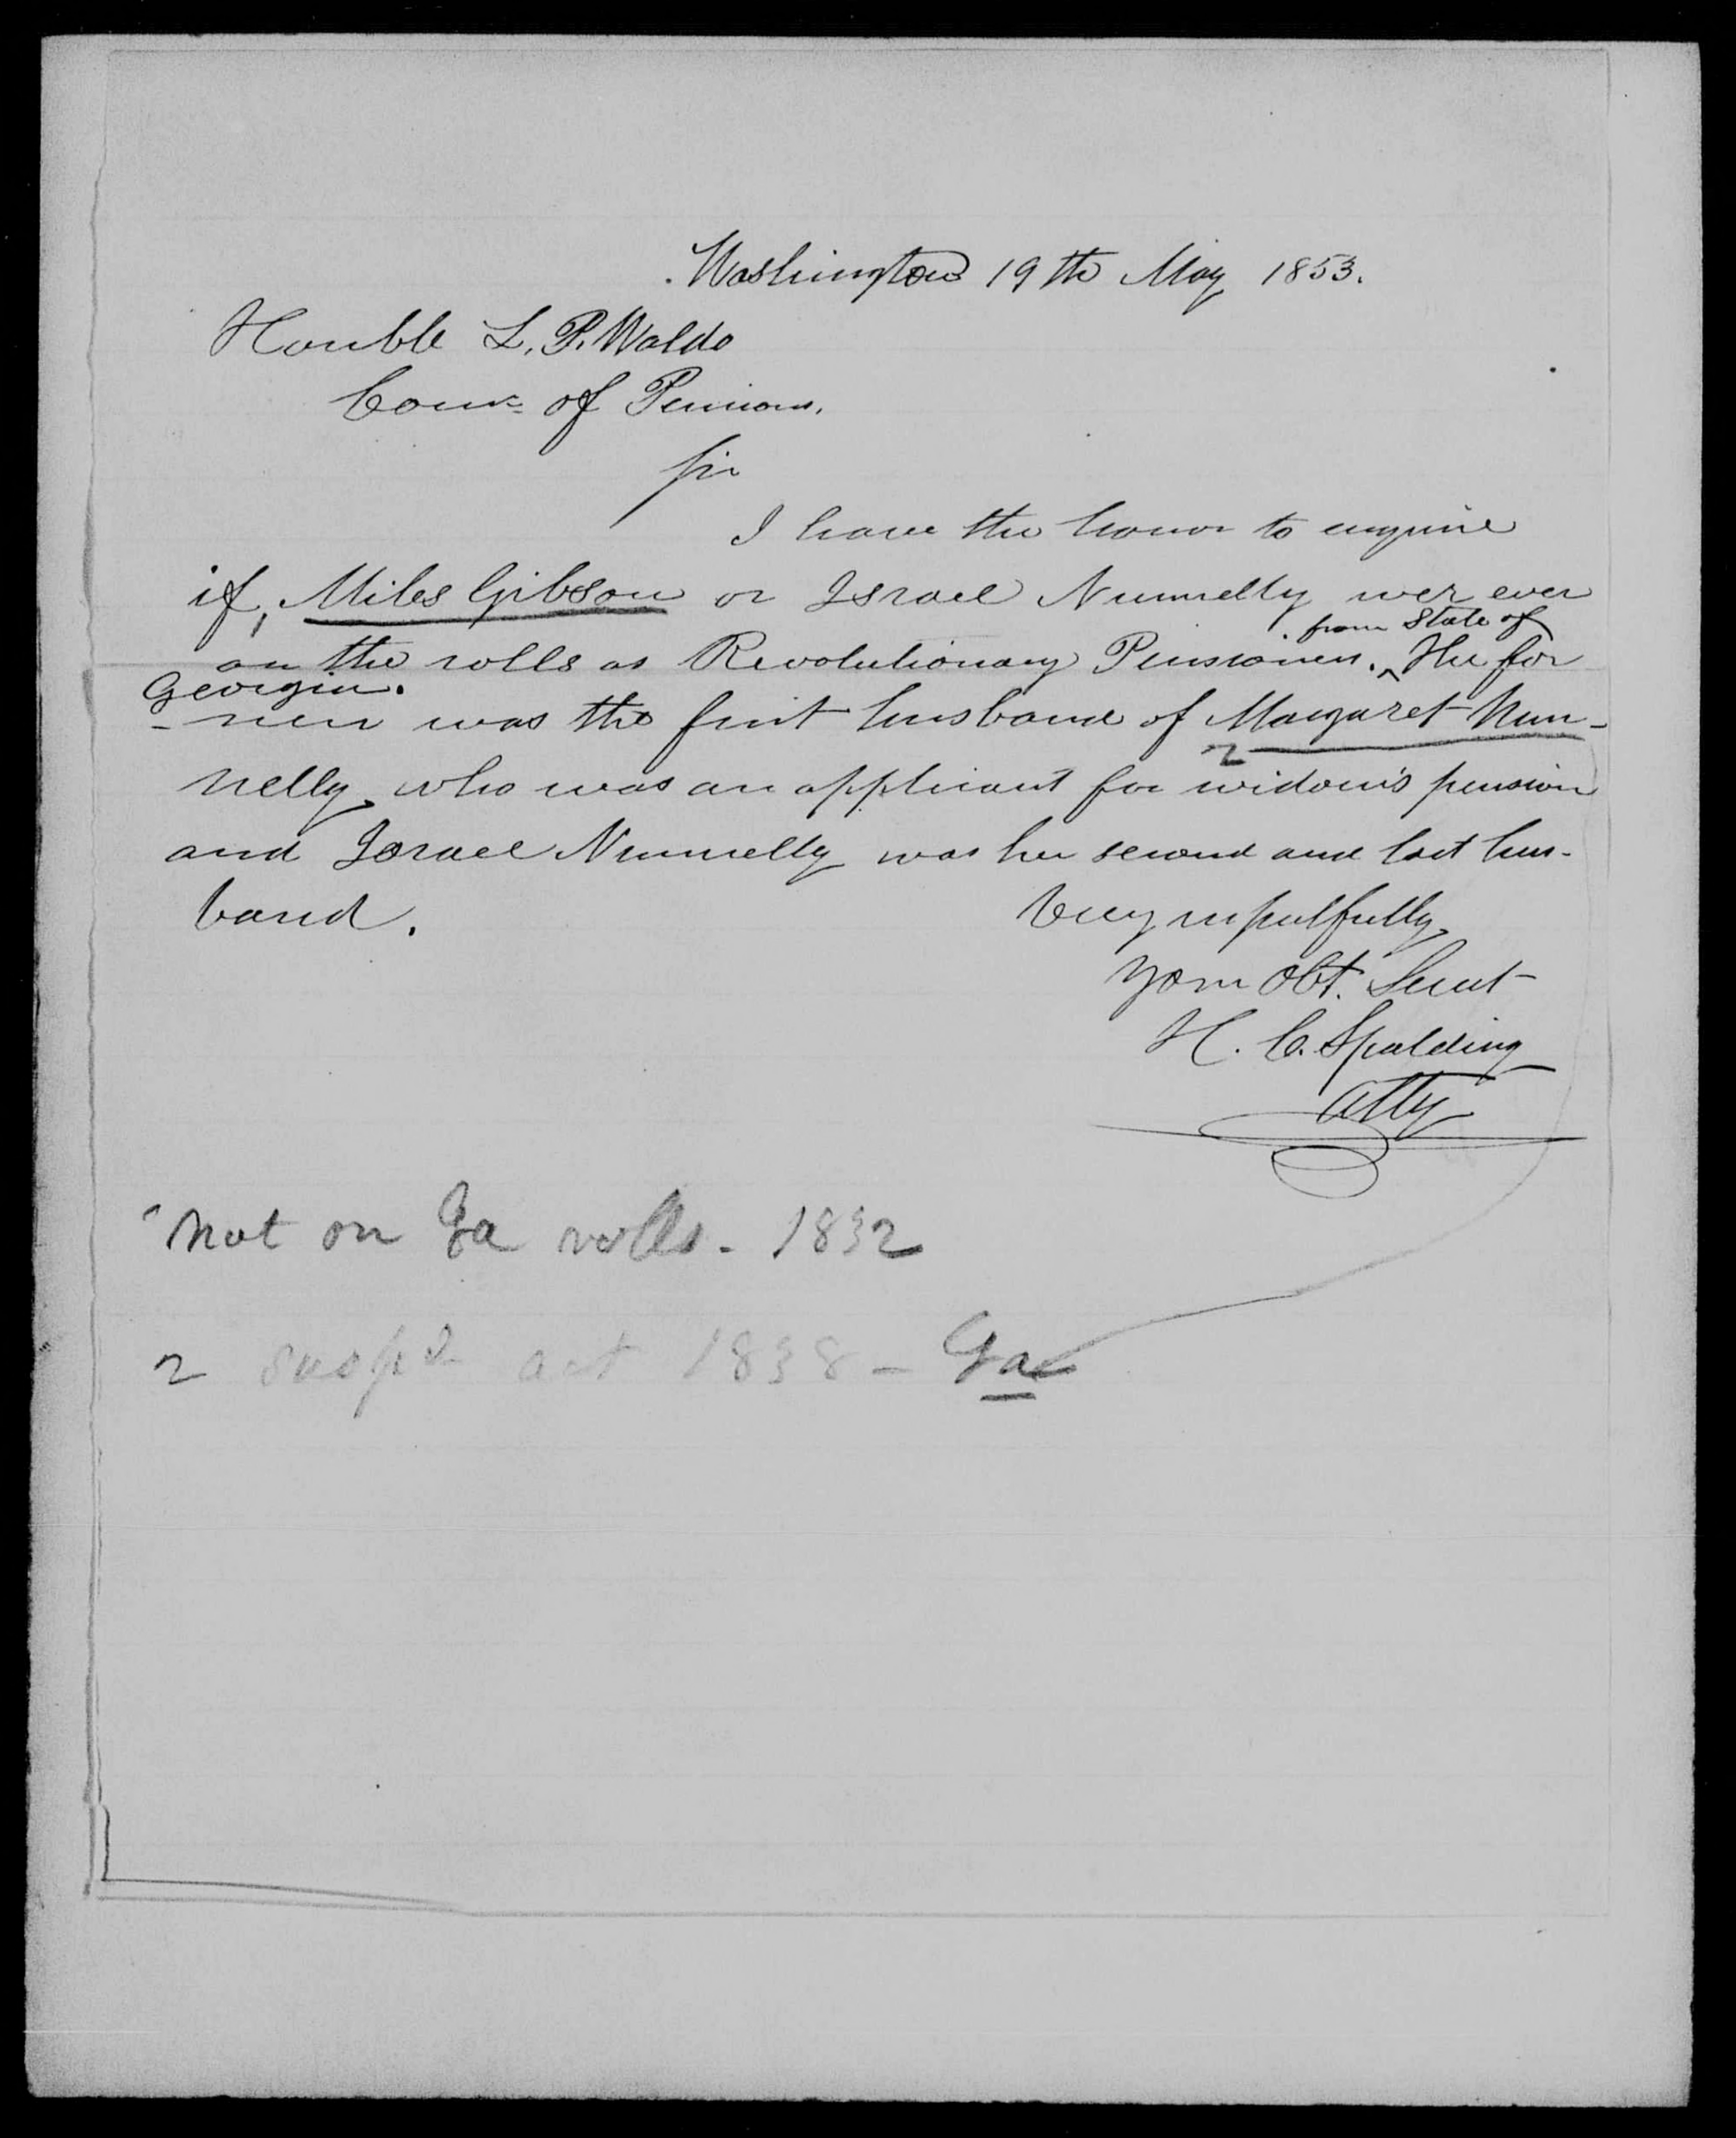Washington 19th May 1853.
Honble L. P. Waldo
Court of Pensions
Sir
I have the honor to enquire if Miles Gibson or Israel Nunnelly were ever
on the rolls as Revolutionary Pensioners from the state of Georgia. The former was the first husband of Margaret Nunnelly who was an applicant for widow's pension and Israel Nunnelly was her second and last husand
very respectfully,
your Obt Sert
H. C. Spalding
Atty

not on Ga rolls. 1832
act 1838-Ga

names: L P Waldo, Miles Gibson, Margaret Nunnelly, Israel Nunnelly, H C Spalding, Israel Nunnelly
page: 68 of 84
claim: widow's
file: W. 7744, Daniel Hickey, Penn.